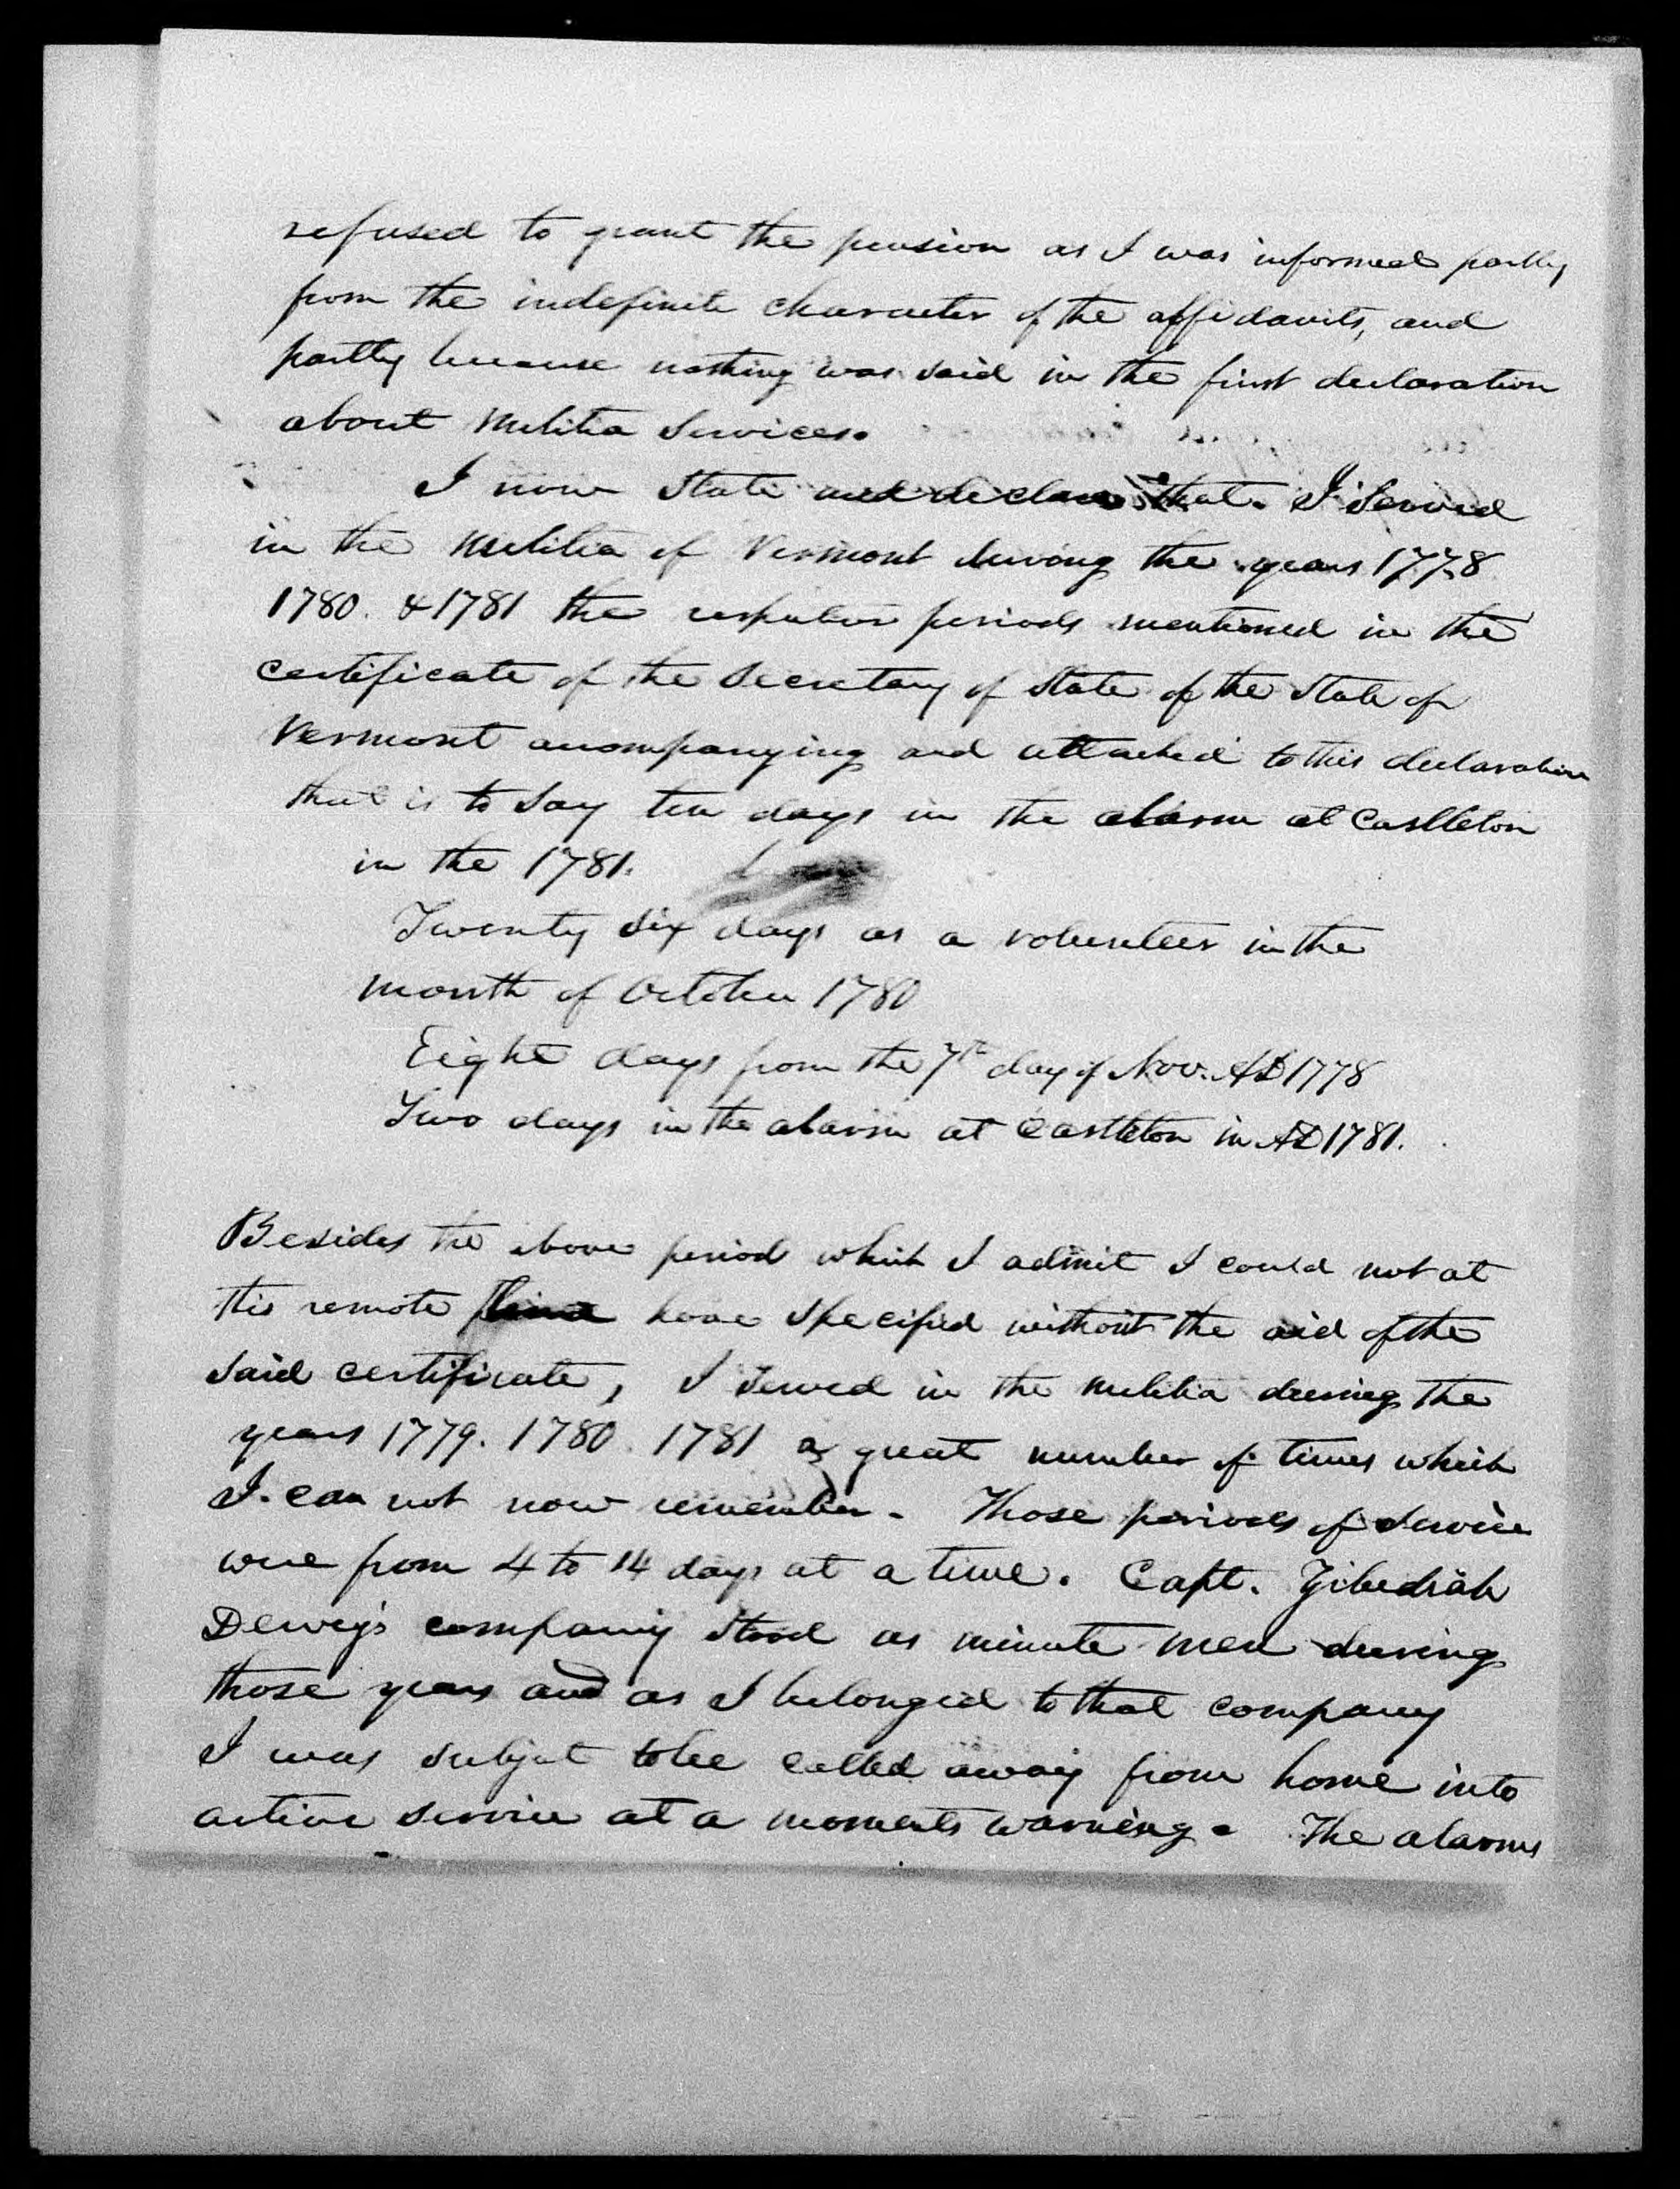refused to grant the pension as I was informed partly from the indefinite character of the affidavit, and partly because nothing was said in the first declaration about militia services.
I now state and declare that I served in the militia of Vermont during the years 1778 1780 & 1781 the [eligible] periods mentioned in the certificate of the Secretary of State of the State of Vermont accompanying and attached to this declaration that is to say ten days in the [illegible] at Castleton in the 1781.
Twenty-six days as a volunteer in the month of October 1780
Eight days from the 7th day of Nov AD 1778
Two days in the [illegible] at Castleton in AD 1781
Besides the above period which I admit I could not at this remote time have specified without the aid of the said certificate, I served in the militia during the years 1779 1780 1781 a great number of times which I can not now remember. Those periods of service were from 4 to 14 days at a time. Capt. Zebediah Dewey's company stood as minute men during those years and as I belonged to that company I was subject to be called away from home into active service at a moments warning. The alarms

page: 12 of 23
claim: survivor's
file: S 14072, for Elisha Owen, Vermont